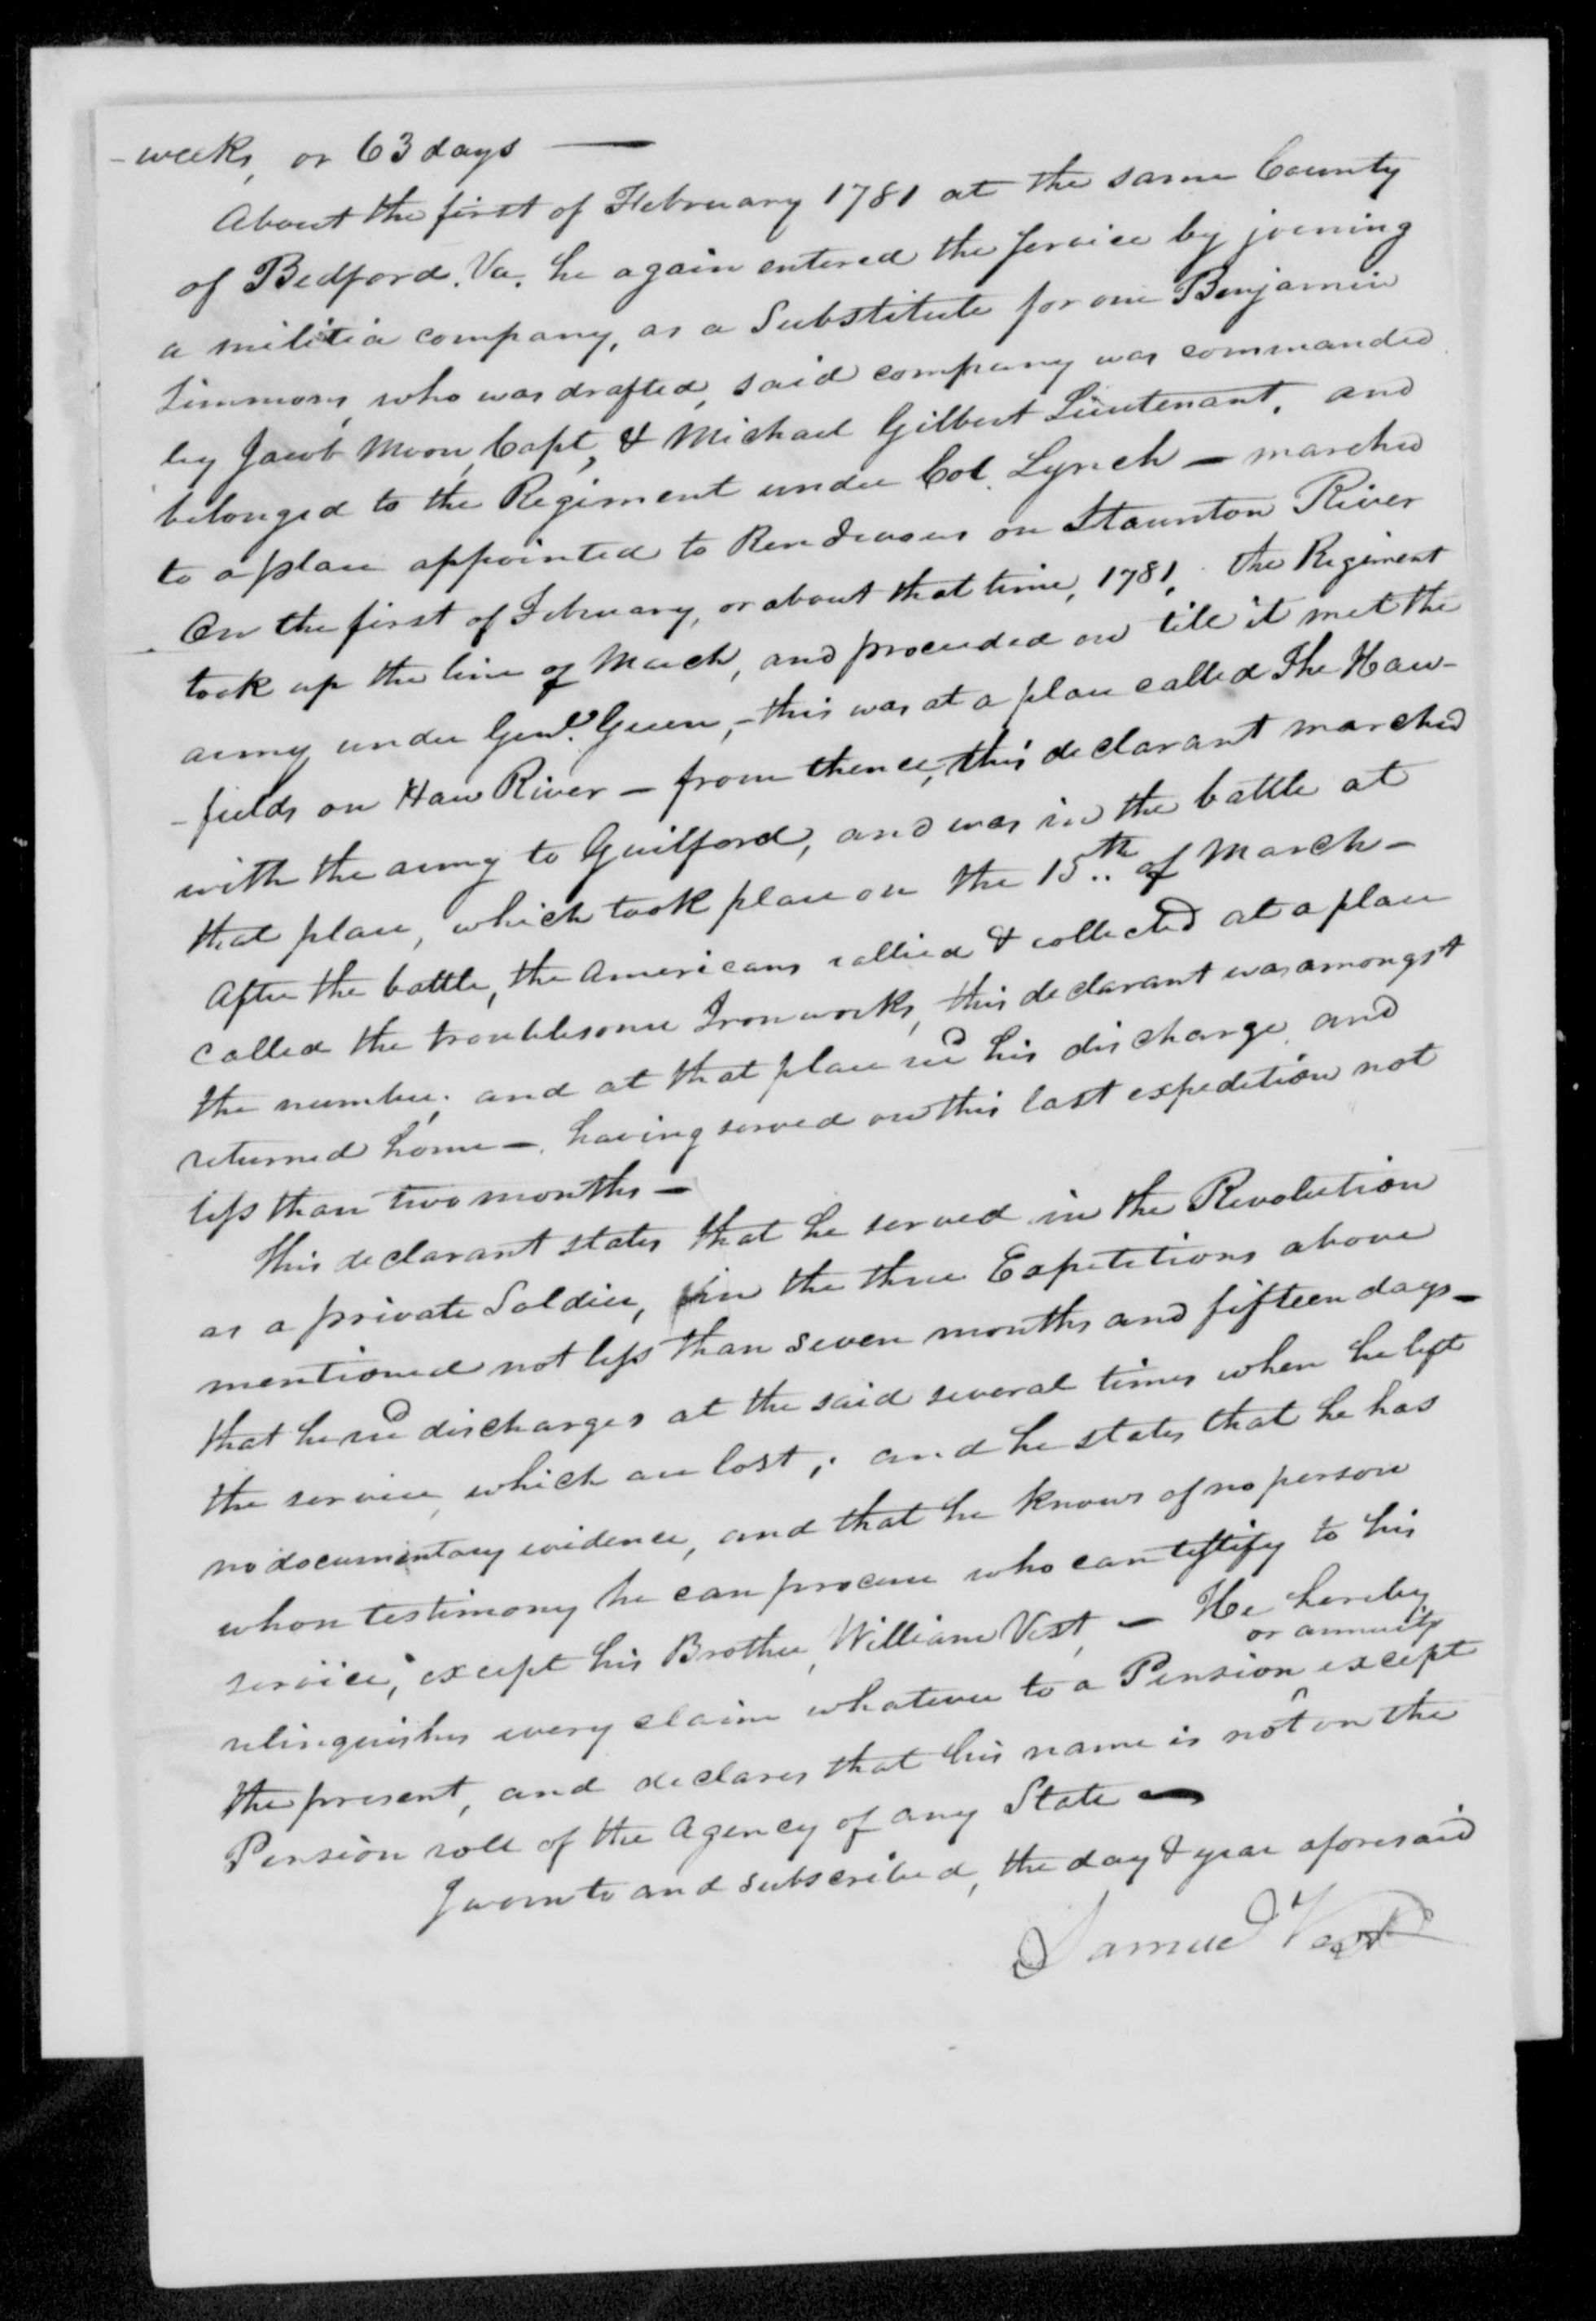weeks or 63 days –
About the first of February 1781 at the same County of Bedford Va., he again entered the service by joining a militia company, as a substitute for one Benjamin Simmons, who was drafted, said company was commanded by Jacob Moore Capt., & Michael Gilbert Lieutenant, and belonged to the Regiment under Col. Lynch – marched to a place appointed to rendezvous on the Staunton River. 
On the first of February or about that time, 1781, the Regiment took up the line of march, and proceeded on till it met with the Army under Genl Green [General Nathanael Greene], – this was at a place called the Haw-fields on Haw River – from thence, this declarant marched with the Army to Guilford, and was in the battle [March 15, 1781] at that place, which took place on the 15th of March. 
After the battle, the Americans rallied & collected at a place called the troublesome Iron works, this declarant was amongst the number, and at that place recd [received] his discharge and returned home – having served in this last expedition not less than two months – 
This declarant states that he served in the revolution as a private Soldier, in the three Expeditions above mentioned not less than seven months and fifteen days – that he recd [received] discharges at the said several times when he left the service, which are lost; and he states that he has no documentary evidence, and that he knows of no person whose testimony he can procure who can testify to his service; except his brother, William Vest. - He hereby relinquishes every claim whatever to a Pension or annuity except the present, and declares that his name is not on the Pension roll of the Agency of any State – 
Sworn to and subscribed the day & year aforesaid

[signed] Samuel Vest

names: Benjamin Simmons, William Vest, Samuel Vest, Green, Lynch, Jacob Moon, Michael Gilbert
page: 5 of 15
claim: survivor's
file: S. 16,563, Samuel Vest, Va.